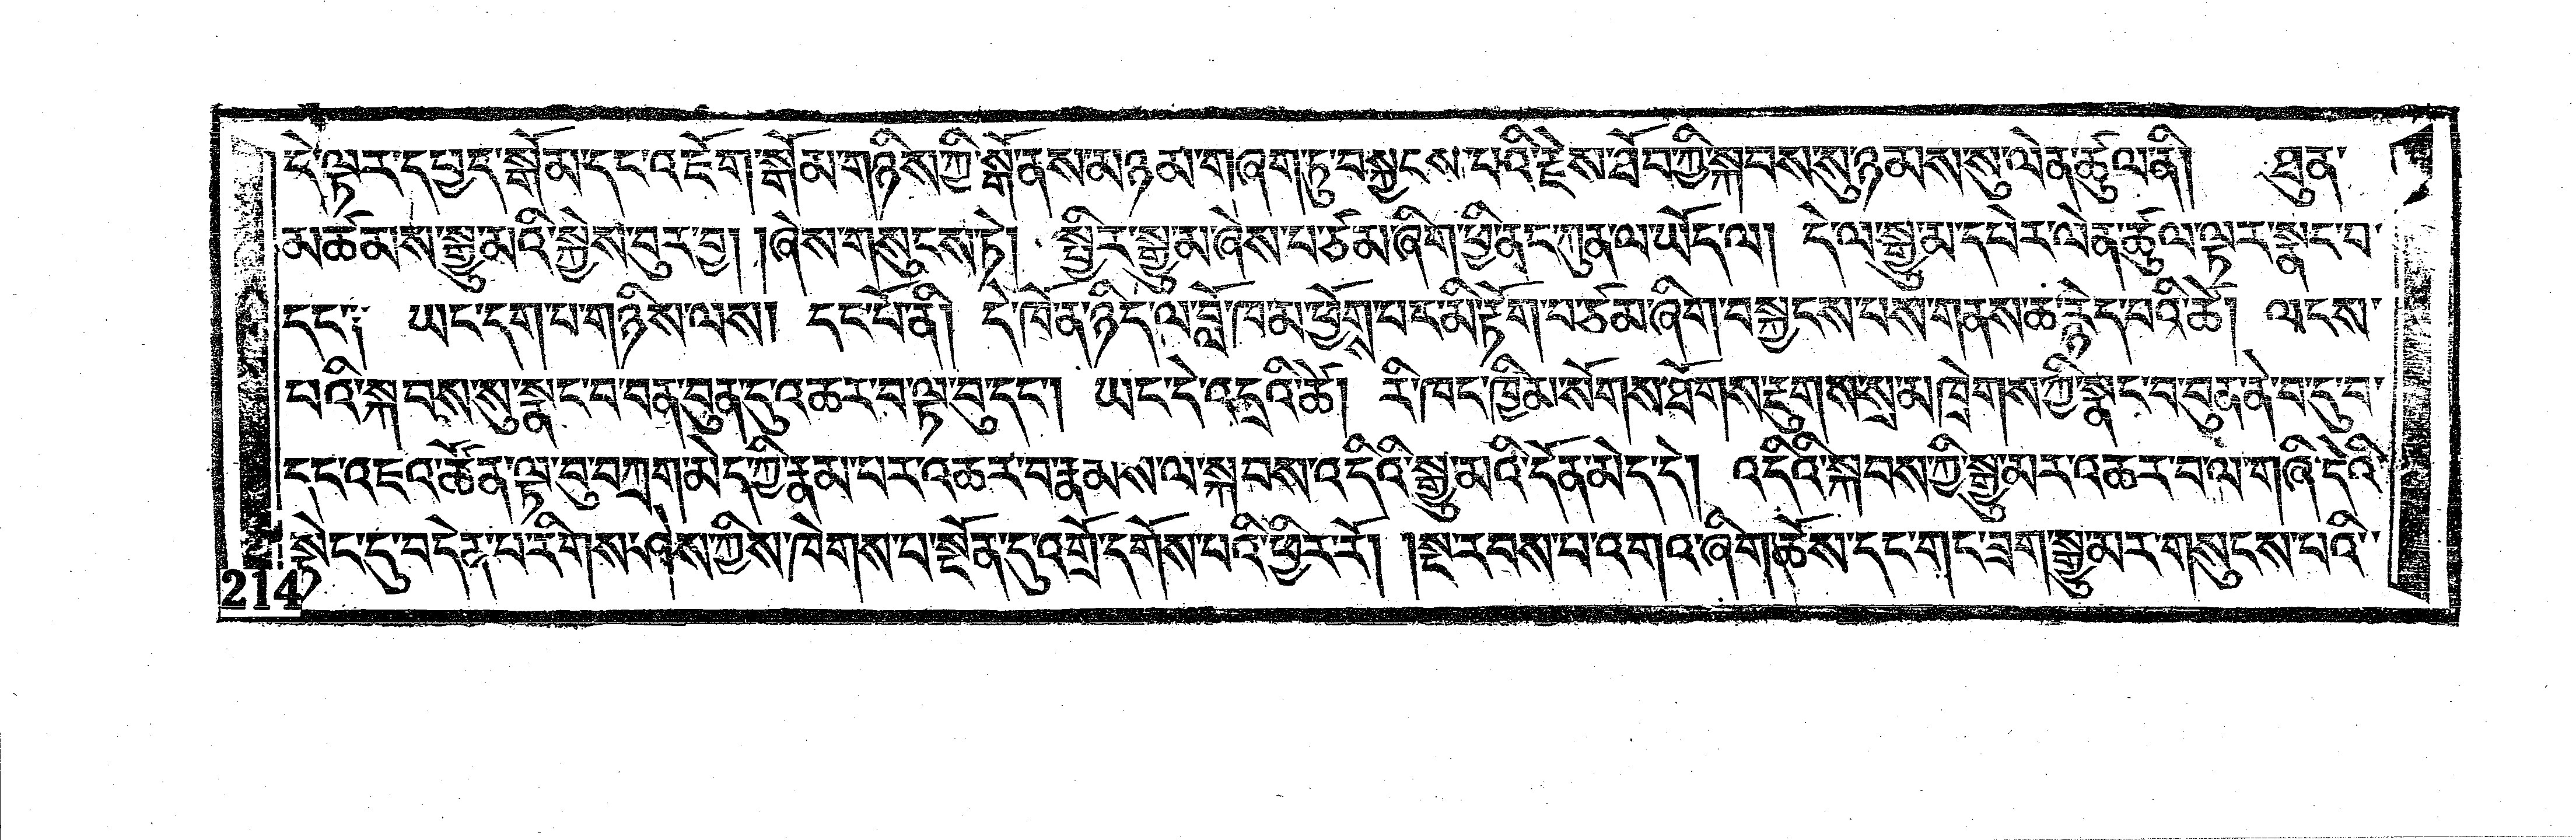དེ་ལྟར་དཔྱད་སྒོམ་དང་འཇོག་སྒོམ་གཉིས་ཀྱི་སྒོ་ནས་མཉམ་གཞག་ཏུ་བསྐྱངས་པའི་རྗེས་ཐོབ་ཀྱི་སྐབས་སུ་ཉམས་སུ་ལེན་ཚུལ་ནི། ཐུན་
མཚམས་སྒྱུ་མའི་སྐྱེས་བུར་བྱ། །ཞེས་གསུངས་ཏེ། སྤྱིར་སྒྱུ་མ་ཞེས་པ་ཙམ་ཞིག་ཕྱི་ནང་ཀུན་ལ་ཡོད་ལ། དེ་ལ་སྒྱུ་མ་དཔེར་ལེན་ཚུལ་ལྟར་སྣང་བ་
དང༑ ཡང་དག་པ་གཉིས་ལས། དང་པོ་ནི། དེ་ཁོ་ན་ཉིད་ལ་བློ་ཁ་མ་ཕྱོགས་པར་མི་རྟོག་པ་ཙམ་ཞིག་བསྐྱངས་པས་གནས་ཆ་རྙེད་པའི་ཚེ། ལངས་
པའི་སྐབས་སུ་སྣང་བ་བན་བུན་དུ་འཆར་བ་ལྟ་བུ་དང་། ཡང་དེ་འདྲའི་ཚེ། རི་ཁང་ཁྱིམ་སོགས་ཐོགས་རྡུགས་སྲ་མཁྲེགས་ཀྱི་སྣང་བ་བུན་ནེ་བ་དུ་བ་
དང་འཇའ་ཚོན་ལྟ་བུ་བཀྲག་མེད་ཀྱི་རྣམ་པར་འཆར་བ་རྣམས་ལ་སྐབས་འདིའི་སྒྱུ་མའི་དོན་མེད་དེ། འདིའི་སྐབས་ཀྱི་སྒྱུ་མར་འཆར་བ་ལ་གཞི་དེའི་
སྟེང་དུ་བདེན་པ་རིགས་ཤེས་ཀྱིས་ཁེགས་པ་སྔོན་དུ་འགྲོ་དགོས་པའི་ཕྱིར་རོ། །སྔ་རབས་པ་འགའ་ཞིག་ཆོས་དང་གང་ཟག་སྒྱུ་མར་གསུངས་པའི་